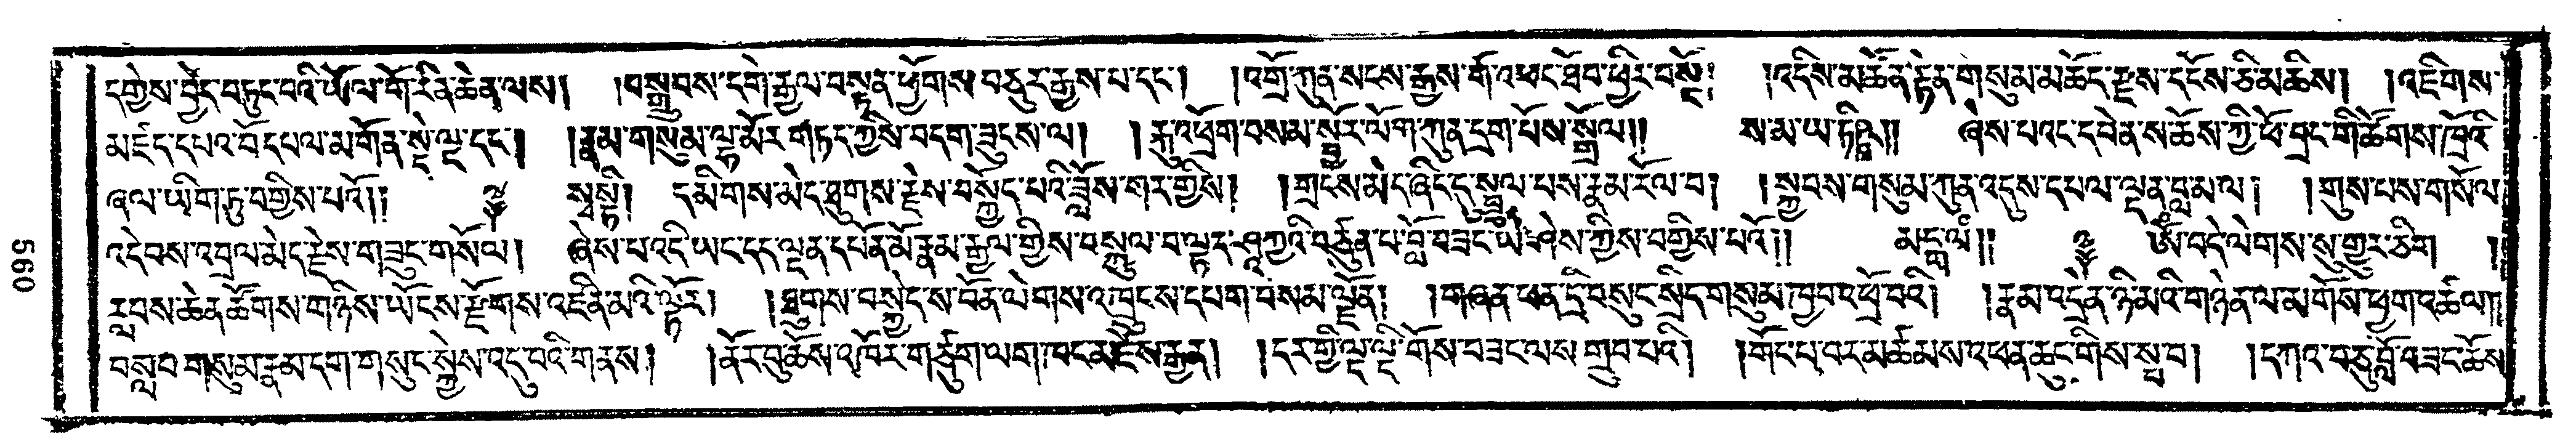དགྱེས་བྱེད་བཏུང་བའི་ཡོལ་གོ་རིན་ཆེན་ལས། །བསྒྲུབས་དགེ་རྒྱལ་བསྟན་ཕྱོགས་བཅུར་རྒྱས་པ་དང་། །འགྲོ་ཀུན་སངས་རྒྱས་གོ་འཕང་ཐོབ་ཕྱིར་བསྔོ། །འདིས་མཚོན་རྟེན་གསུམ་མཆོད་རྫས་དངོས་ཅི་མཆིས། །འཇིགས་
མཛད་དཔའ་བོ་དཔལ་མགོན་སྡེ་ལྔ་དང་། །རྣམ་གསུམ་ལྷ་མོར་གཏད་ཀྱིས་བདག་ཟུངས་ལ། །རྐུ་འཕྲོག་བསམ་སྦྱོར་ལོག་ཀུན་དྲག་པོས་སྒྲོལ།། ས་མ་ཡ་ཏིཥྵ།། ཞེས་པའང་དབེན་ས་ཆོས་ཀྱི་ཕོ་བྲང་གི་ཚོགས་ཁྲོའི་
ཞལ་ཡིག་ཏུ་བགྱིས་པའོ།། ༈ སྭསྟི། དམིགས་མེད་ཐུགས་རྗེས་བསྐྱོད་པའི་ཟློས་གར་གྱིས། །གྲངས་མེད་ཞིང་དུ་སྦྲུལ་པས་རྣམ་རོལ་བ། །སྐྱབས་གསུམ་ཀུན་འདུས་དཔལ་ལྡན་བླ་མ་ལ། །གུས་པས་གསོལ་
འདེབས་འབྲལ་མེད་རྗེས་གཟུང་གསོལ། ཞེས་པ་འདི་ཡང་དད་ལྡན་དཔོན་མོ་རྣམ་རྒྱལ་གྱིས་བསྐུལ་བ་ལྟར་ཤཱཀྱའི་བཙུན་པ་བློ་བཟང་ཡེ་ཤེས་ཀྱིས་བགྱིས་པའོ།། མངྒ་ལཾ།། ༈ ཨོཾ་བདེ་ལེགས་སུ་གྱུར་ཅིག་
རླབས་ཆེན་ཚོགས་གཉིས་ཡོངས་རྫོགས་འཛིན་མའི་ལྟོར། །ཐུགས་བསྐྱེད་ས་བོན་ལེགས་འཁྲུངས་དཔག་བསམ་ལྗོན། །གཞན་ཕན་དྲི་བསུང་སྲིད་གསུམ་ཁྱབ་འཕྲོ་བའི། །རྣམ་འདྲེན་ཉི་མའི་གཉེན་ལ་མགོས་ཕྱག་འཚལ།།
བསླབ་གསུམ་རྣམ་དག་གསུང་སྐྱེས་འདུ་བའི་གནས། །ནོར་བུ་ཆོས་འཁོར་གཙུག་ལག་ཁང་མཛེས་རྒྱན། །དར་གྱི་ལྔ་ལྡི་གོས་བཟང་ལས་གྲུབ་པའི། །གོང་པ་བར་མཚམས་འཕན་ཆུང་གིས་སྤ་བ། །དཀའ་བཅུ་བློ་བཟང་ཆོས་